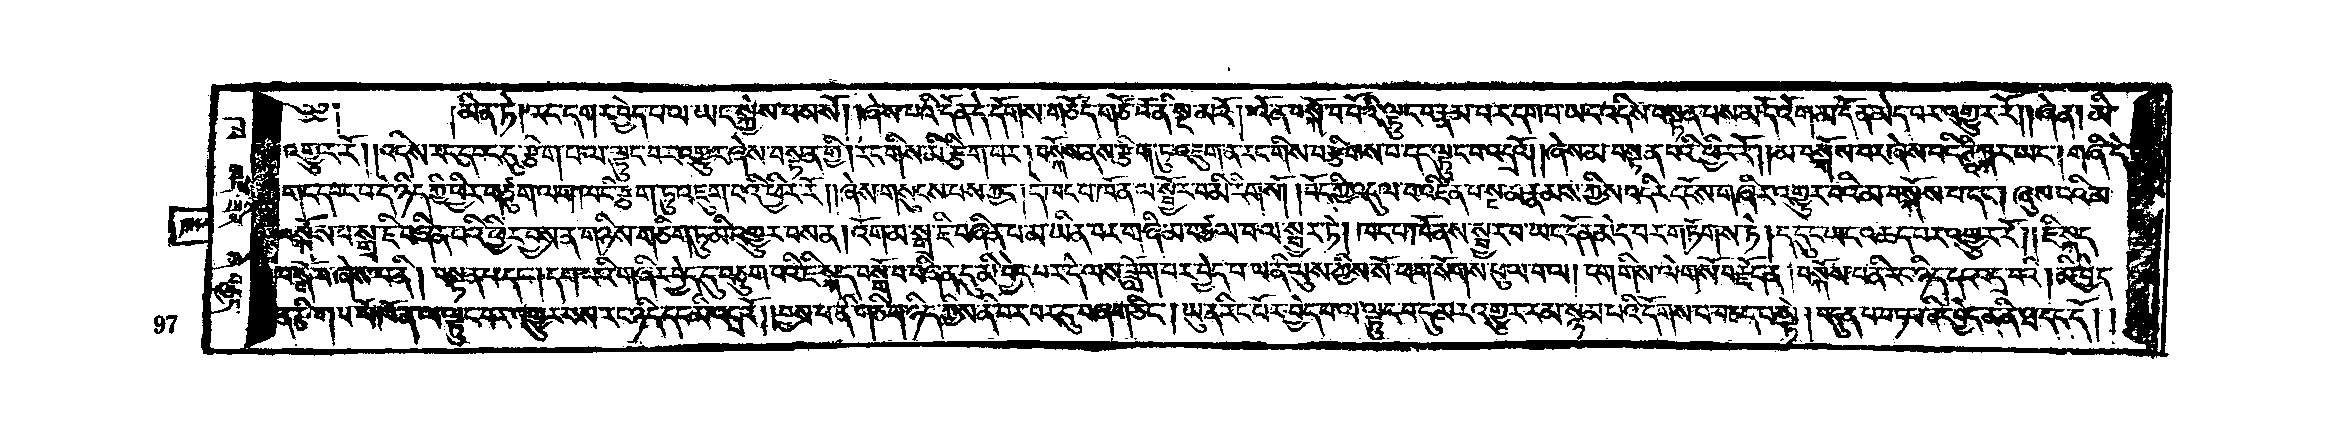༄༅། །མིན་ཏེ། རང་དགར་བྱེད་པ་ལ་ཡང་སྐྱེས་པས་སོ། །ཞེས་པའི་དོན་དེ་དོགས་གཅོད་གཙོ་བོ་ནི་སྔ་མའོ། འོ་ན་བསྐོ་བ་པོའི་ལྟུང་བ་རྣམ་པར་དག་པ་ཡང་འདིས་བསྟན་པས་མདོ་འོག་མ་དོན་མེད་པར་འགྱུར་རོ། །ཞེ་ན། མི་
འགྱུར་རོ། །འདིས་རང་དབང་དུ་རྩིག་པ་ལ་ལྟུང་བར་འགྱུར་ཞེས་བསྟན་གྱི། རང་གིས་མི་རྩིག་པར། བསྐོས་ནས་རྩིག་ཏུ་འཇུག་ན་རང་གིས་བརྩིགས་པ་དང་ལྟུང་བ་འདྲའོ། །ཞས་མ་བསྟན་པའི་ཕྱིར་རོ། །མ་བསྐོས་པར་ཞེས་པའི་ཊཱིཀྐར་ཡང་། གཞི་དེ་
གང་དབང་བ་དེ་ཉིད་ཀྱི་ཕྱིར་གཙུག་ལག་ཁང་རྩག་ཏུ་འཇུག་པའི་ཕྱིར་རོ། །ཞེས་གསུངས་པས་ཀྱང་། དེ་ཁང་པ་ཁོ་ན་ལ་སྦྱོར་བ་མི་རིགས་སོ། །བོད་ཀྱི་འདུལ་བ་འཛིན་པ་སྔ་མ་རྣམས་ཀྱིས་འདིར་དངོས་གཞིར་འགྱུར་བའི་མ་བསྐོས་པ་དང་། ཞུས་པའི་མ་
བསྐོས་པ་སྒྲ་ཇི་བཞིན་པའི་ཕྱིར་བྱས་ན་གཉིས་གཅིག་ཏུ་མི་འགྱུར་བས་ན། འོག་མ་སྒྲ་ཇི་བཞིན་པ་མ་ཡིན་པར་གཞི་མ་བཙལ་བ་ལ་སྦྱར་ཏེ། ཁང་པ་ཁོ་ནས་སྦྱར་བ་ཡང་དོན་མེད་པར་གཏོགས་ཏེ། ད་དུང་ཡང་འཆད་པར་འགྱུར་རོ། །ཇི་སྐད་
བསྒོ་བ་ཞེས་པ་ནི། བསྟན་པ་དང་། དག་པའི་གཞིར་བྱེད་དུ་བཅུག་པའི་ཇི་སྐད་བསྒོ་བ་བཞིན་དུ་མི་བྱེད་པར་དེ་ལས་ཟློག་པར་བྱེད་པ་ལ་ནི་ལུས་ཀྱིས་སོ་ཕག་སོགས་ཕུལ་བ་ལ། ངག་གིས་ལེགས་སོ་བརྗོད་ན། བསྐོས་པ་ནི་རང་ཉིད་དང་འདྲ་བའི། མི་བྱེད་
ན་རྩིག་པ་པོ་ཁོ་ན་ལ་ལྟུང་བར་འགྱུར་བས་རང་ཉིད་དང་མི་འདྲའོ། །བྱས་པ་ནི་གཅིག་ཉིད་ཀྱིས་ནི་བར་བར་དུ་བཞག་ཅིང་། ཡུན་རིང་པོར་བྱེད་པ་ལ་ལྟུང་བ་དུ་མར་འགྱུར་རམ་སྙམ་པའི་དོགས་པ་བཅད་པ་སྟེ། བདུན་པ་བཏང་ཞིང་བྱེད་ན་ནི་ཐ་དད་དོ། །